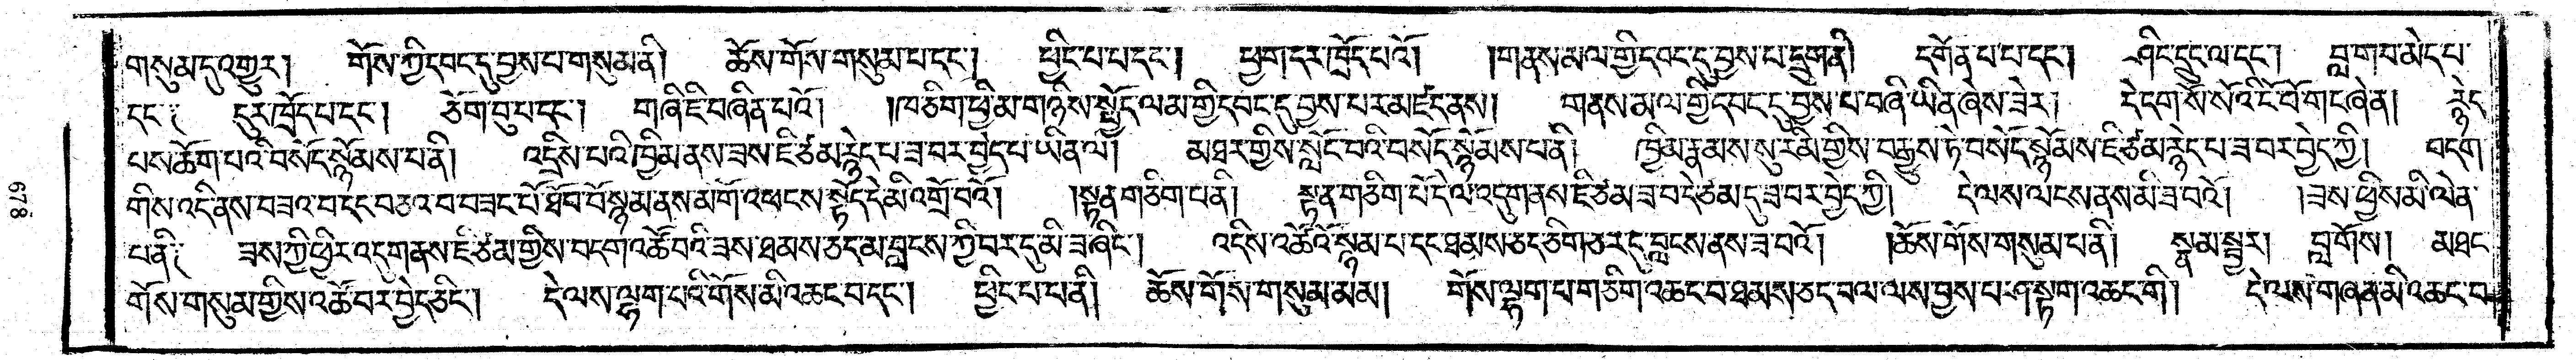གསུམ་དུ་འགྱུར། གོས་ཀྱི་དབང་དུ་བྱས་པ་གསུམ་ནི། ཆོས་གོས་གསུམ་པ་དང་། ཕྱིང་པ་པ་དང་། ཕྱག་དར་ཁྲོད་པའོ། །གནས་མལ་གྱི་དབང་དུ་བྱས་པ་དྲུག་ནི། དགོན་པ་པ་དང་། ཤིང་དྲུང་ལ་དང་། བླ་ག་བ་མེད་པ་
དང༑ དུར་ཁྲོད་པ་དང་། ཅོག་བུ་པ་དང་། གཞི་ཇི་བཞིན་པའོ། །ཁ་ཅིག་ཕྱི་མ་གཉིས་སྤྱོད་ལམ་གྱི་དབང་དུ་བྱས་པར་མཛད་ནས། གནས་མལ་གྱི་དབང་དུ་བྱས་པ་བཞི་ཡིན་ཞེས་ཟེར། དེ་དག་སོ་སོའི་ངོ་བོ་གང་ཞེ་ན། རྙེད་
པས་ཆོག་པའི་བསོད་སྙོམས་པ་ནི། འདྲིས་པའི་ཁྱིམ་ནས་ཟས་ཇི་ཙམ་རྙེད་པ་ཟ་བར་བྱེད་པ་ཡིན་ལ། མཐར་གྱིས་སློང་བའི་བསོད་སྙོམས་པ་ནི། ཁྱིམ་རྣམས་སུ་རིམ་གྱིས་བརྒྱུས་ཏེ་བསོད་སྙོམས་ཇི་ཙམ་རྙེད་པ་ཟ་བར་བྱེད་ཀྱི། བདག་
གིས་འདི་ནས་བཟའ་བ་དང་བཅའ་བ་བཟང་པོ་ཐོབ་པོ་སྙམ་ནས་མགོ་འཕངས་སྟོད་དེ་མི་འགྲོ་བའོ། །སྟན་གཅིག་པ་ནི། སྟན་གཅིག་པོ་དེ་ལ་འདུག་ནས་ཇི་ཙམ་ཟ་བ་དེ་ཙམ་དུ་ཟ་བར་བྱེད་ཀྱི། དེ་ལས་ལངས་ནས་མི་ཟ་བའོ། །ཟས་ཕྱིས་མི་ལེན་
པ་ནི༑ ཟས་ཀྱི་ཕྱིར་འདུག་ནས་ཇི་ཙམ་གྱིས་བདག་འཚོ་བའི་ཟས་ཐམས་ཅད་མ་བླངས་ཀྱི་བར་དུ་མི་ཟ་ཞིང་། འདིས་འཚོའོ་སྙམ་པ་དང་ཐམས་ཅད་ཅིག་ཅར་དུ་བླངས་ནས་ཟ་བའོ། །ཆོས་གོས་གསུམ་པ་ནི། སྣམ་སྦྱར། བླ་གོས། མཐང་
གོས་གསུམ་གྱིས་འཚོ་བར་བྱེད་ཅིང་། དེ་ལས་ལྷག་པའི་གོས་མི་འཆང་བ་དང་། ཕྱིང་པ་པ་ནི། ཆོས་གོས་གསུམ་མམ། གོས་ལྷག་པ་གཅིག་འཆང་བ་ཐམས་ཅད་བལ་ལས་བྱས་པ་ཤ་སྟག་འཆང་གི། དེ་ལས་གཞན་མི་འཆང་བ་